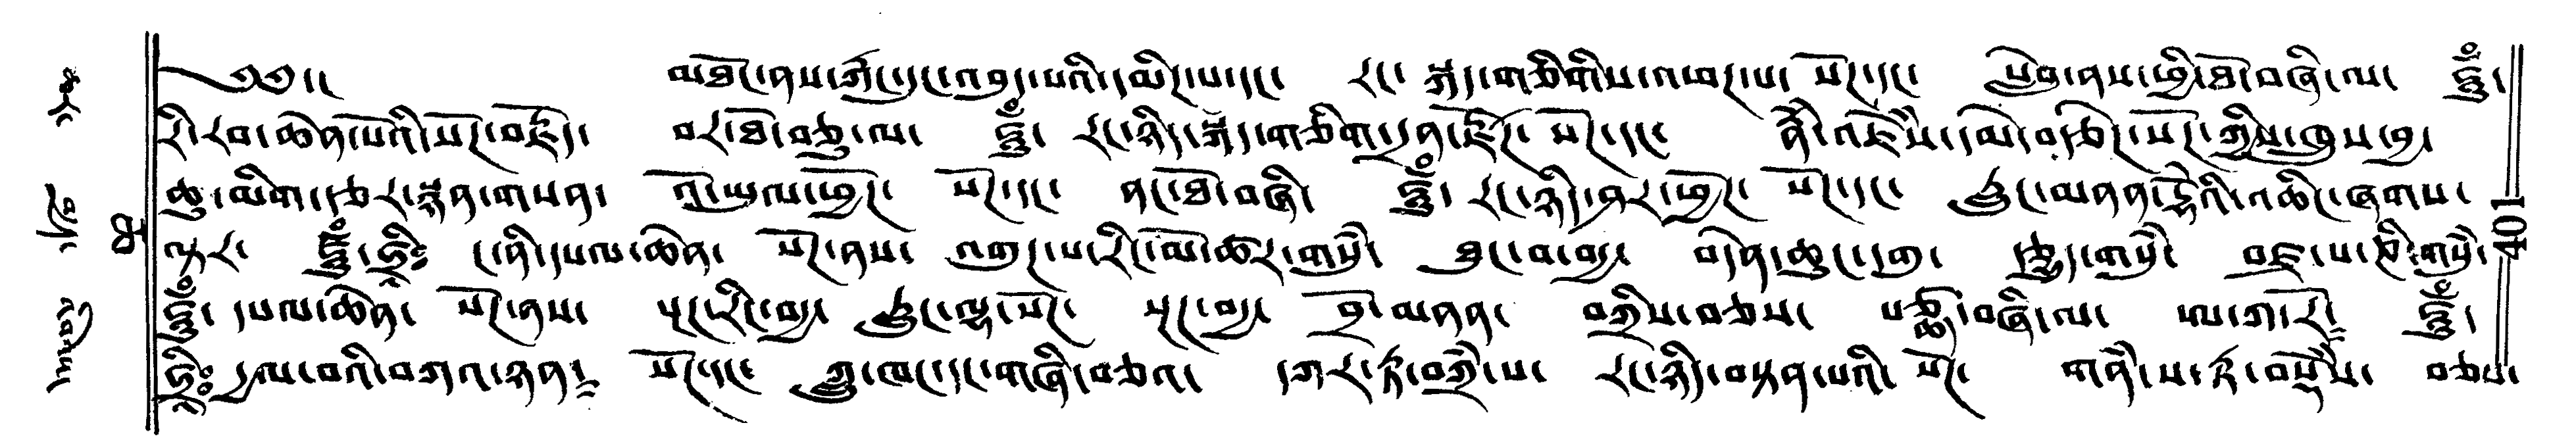མཐོང་ནས་རྐང་དུང་འབུད་པའི་དམིགས་པ་དང་། རང་སྐད་གཅིག་གིས་འཕགས་པ༴ སོགས་དང་། སླེབ་ནས་ཕྱི་ཐོ་བཞི་ལ། ཧཱུྃ། 
རི་རབ་ཆེན་པོའི༴ སོགས་བརྗོད། བར་ཐོ་བཅུ་ལ། ཧཱུྃ། རང་ཉིད་སྐད་གཅིག་དྲན་རྫོགས༴ སོགས་དང་། རྣམ་འཇོམས་དམེ་བརྩེགས་སོགས་ཀྱིས་ཁྲུས་བྱ། 
ཆུ་མིག་རྩར་སྙན་གསན། འོ། ཡུལ་ཕྱོགས༴ སོགས་དང་། ནང་ཐོ་བཞིར། ཧཱུྃ། རང་ཉིད་ཤར་ཕྱོགས༴ སོགས་དང་། རླུང་མནན་རྡོ་རྗེའི་འཆིང་ཞགས་
ལྟར། ཧཱུྃ་ཧྲཱིཿ ང་ནི་དཔལ་ཆེན༴ སོགས་ནས། འགུགས་པ་རིང་མོ་ཚར་གསུམ། ཐུང་བ་བརྒྱ། བདེན་ཆུང་དགུ། རྩ་རྒྱུད་གསུམ། བཛྲ་པ་ཎི༴ གསུམ། 
ཧཱུྃ། དཔལ་ཆེན༴ སོགས་ནས། སྔགས་རིང་བརྒྱ། རླུང་ལྷ༴ སོགས་སྔགས་བརྒྱ། བྲོ་མནན། བཀྲ་ཤིས་བཅས། སཙྪ་བཞི་ལ། ཨ་ཀ་རོ༴ ཧཱུྃ་
ཧྲཱིཿ རྒྱལ་བའི་བཀའ་ཉན༴ སོགས་དང་། ཀླུ་ཁང་དང་གཞི་བཅའ། དཀར་རྟ་བཀྲམ་པ། རང་ཉིད་བསྟན་པའི༴ སོགས། གནམ་ས་རྟ་བསྡོམས། བཅས་